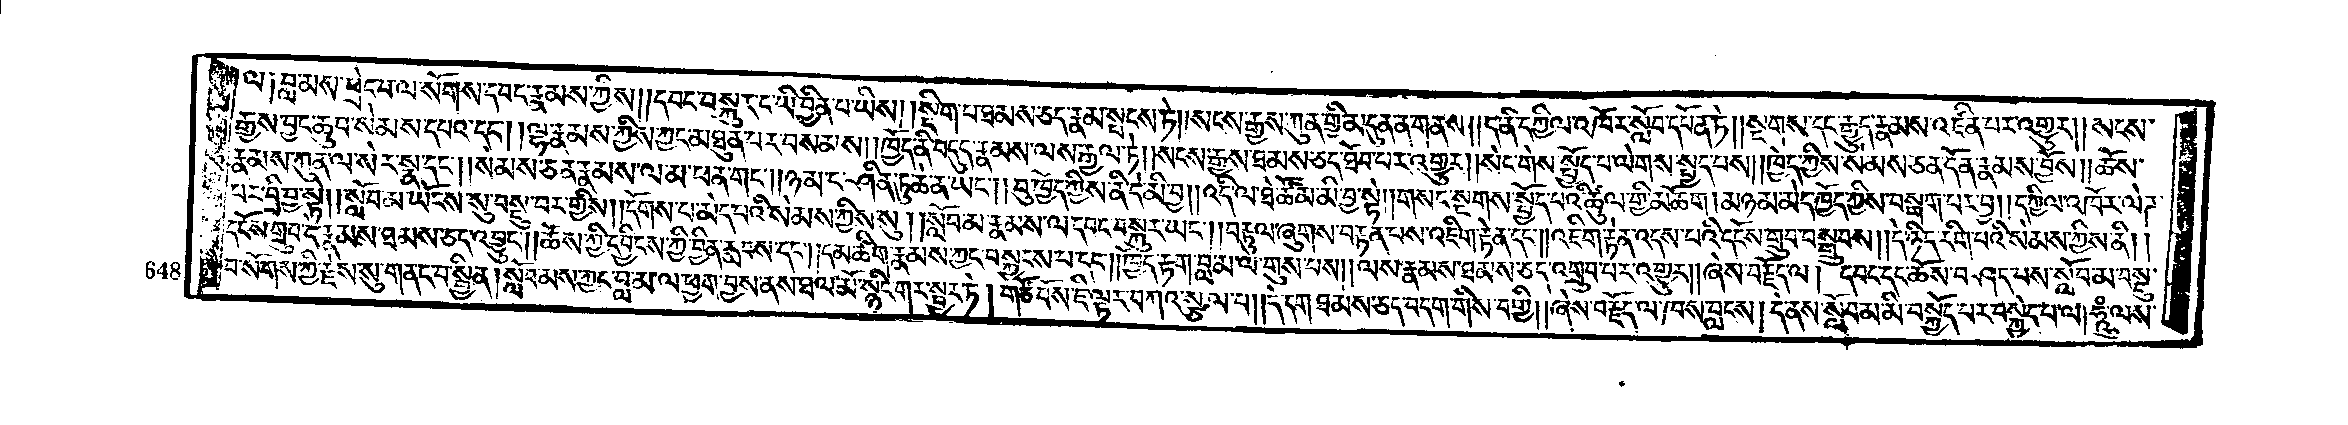ལ༑ བླ་མས་ཕྲེང་བ་ལ་སོགས་དབང་རྣམས་ཀྱིས། །དབང་བསྐུར་ང་ཡི་བྱིན་པ་ཡིས། །སྡིག་པ་ཐམས་ཅད་རྣམ་སྤངས་ཏེ། །སངས་རྒྱས་ཀུན་གྱི་མདུན་ན་གནས། །ད་ནི་དཀྱིལ་འཁོར་སློབ་དཔོན་ཏེ། །སྔགས་དང་རྒྱུད་རྣམས་འཛིན་པར་འགྱུར། །སངས་
རྒྱས་བྱང་ཆུབ་སེམས་དཔའ་དང་། །ལྷ་རྣམས་ཀྱིས་ཀྱང་མཐུན་པར་བསམས། །ཁྱོད་ནི་བདུད་རྣམས་ལས་རྒྱལ་ཏེ། །སངས་རྒྱས་ཐམས་ཅད་ཐོབ་པར་འགྱུར། །སེང་གེས་སྤྱོད་པ་ལེགས་སྤྱད་པས། །ཁྱོད་ཀྱིས་སེམས་ཅན་དོན་རྣམས་བྱོས། །ཆོས་
རྣམས་ཀུན་ལ་སེར་སྣ་དང་། །སེམས་ཅན་རྣམས་ལ་མ་ཕན་གང་། །ཉམ་ང་ཤིན་ཏུ་ཆེ་ན་ཡང་། །བུ་ཁྱོད་ཀྱིས་ནི་དེ་མི་བྱ། །འདི་ལ་ཐེ་ཚོམ་མི་བྱ་སྟེ། །གསང་སྔགས་སྤྱོད་པའི་ཚུལ་གྱི་མཆོག །མཉམ་མེད་ཁྱོད་ཀྱིས་བསྒྲག་པར་བྱ། །དཀྱིལ་འཁོར་ལེགས་
པར་བྲི་བྱ་སྟེ། །སློབ་མ་ཡོངས་སུ་བསྡུ་བར་གྱིས། །དོགས་པ་མེད་པའི་སེམས་ཀྱིས་སུ། །སློབ་མ་རྣམས་ལ་དབང་བསྐུར་ཡང་། །བརྟུལ་ཞུགས་བརྟན་པས་འཇིག་རྟེན་དང་། །འཇིག་རྟེན་འདས་པའི་དངོས་གྲུབ་བསྒྲུབས། །དེ་ཉིད་རིག་པའི་སེམས་ཀྱིས་ནི། །
དངོས་གྲུབ་དེ་རྣམས་ཐམས་ཅད་འབྱུང་། །ཆོས་ཀྱི་དབྱིངས་ཀྱི་བྱིན་རླབས་དང་། །དམ་ཚིག་རྣམས་ཀྱང་བསྐྱངས་པ་དང་། །ཁྱོད་རྟག་བླ་མ་ལ་གུས་པས། །ལས་རྣམས་ཐམས་ཅད་འགྲུབ་པར་འགྱུར། །ཞེས་བརྗོད་ལ། དབང་དང་ཆོས་བཤད་པས་སློབ་མ་བསྡུ་
བ་སོགས་ཀྱི་རྗེས་སུ་གནང་བ་སྦྱིན། སློབ་མས་ཀྱང་བླ་མ་ལ་ཕྱག་བྱས་ནས་ཐལ་མོ་སྙིང་གར་སྦྱར་ཏེ། གཙོ་བོས་ཇི་ལྟར་བཀའ་སྩལ་པ། །དེ་དག་ཐམས་ཅད་བདག་གིས་བགྱི། །ཞེས་བརྗོད་ལ་ཁས་བླངས། དེ་ནས་སློབ་མ་མི་བསྐྱོད་པར་བསྐྱེད་པ་ལ། ཧཱུཾ་ལས་